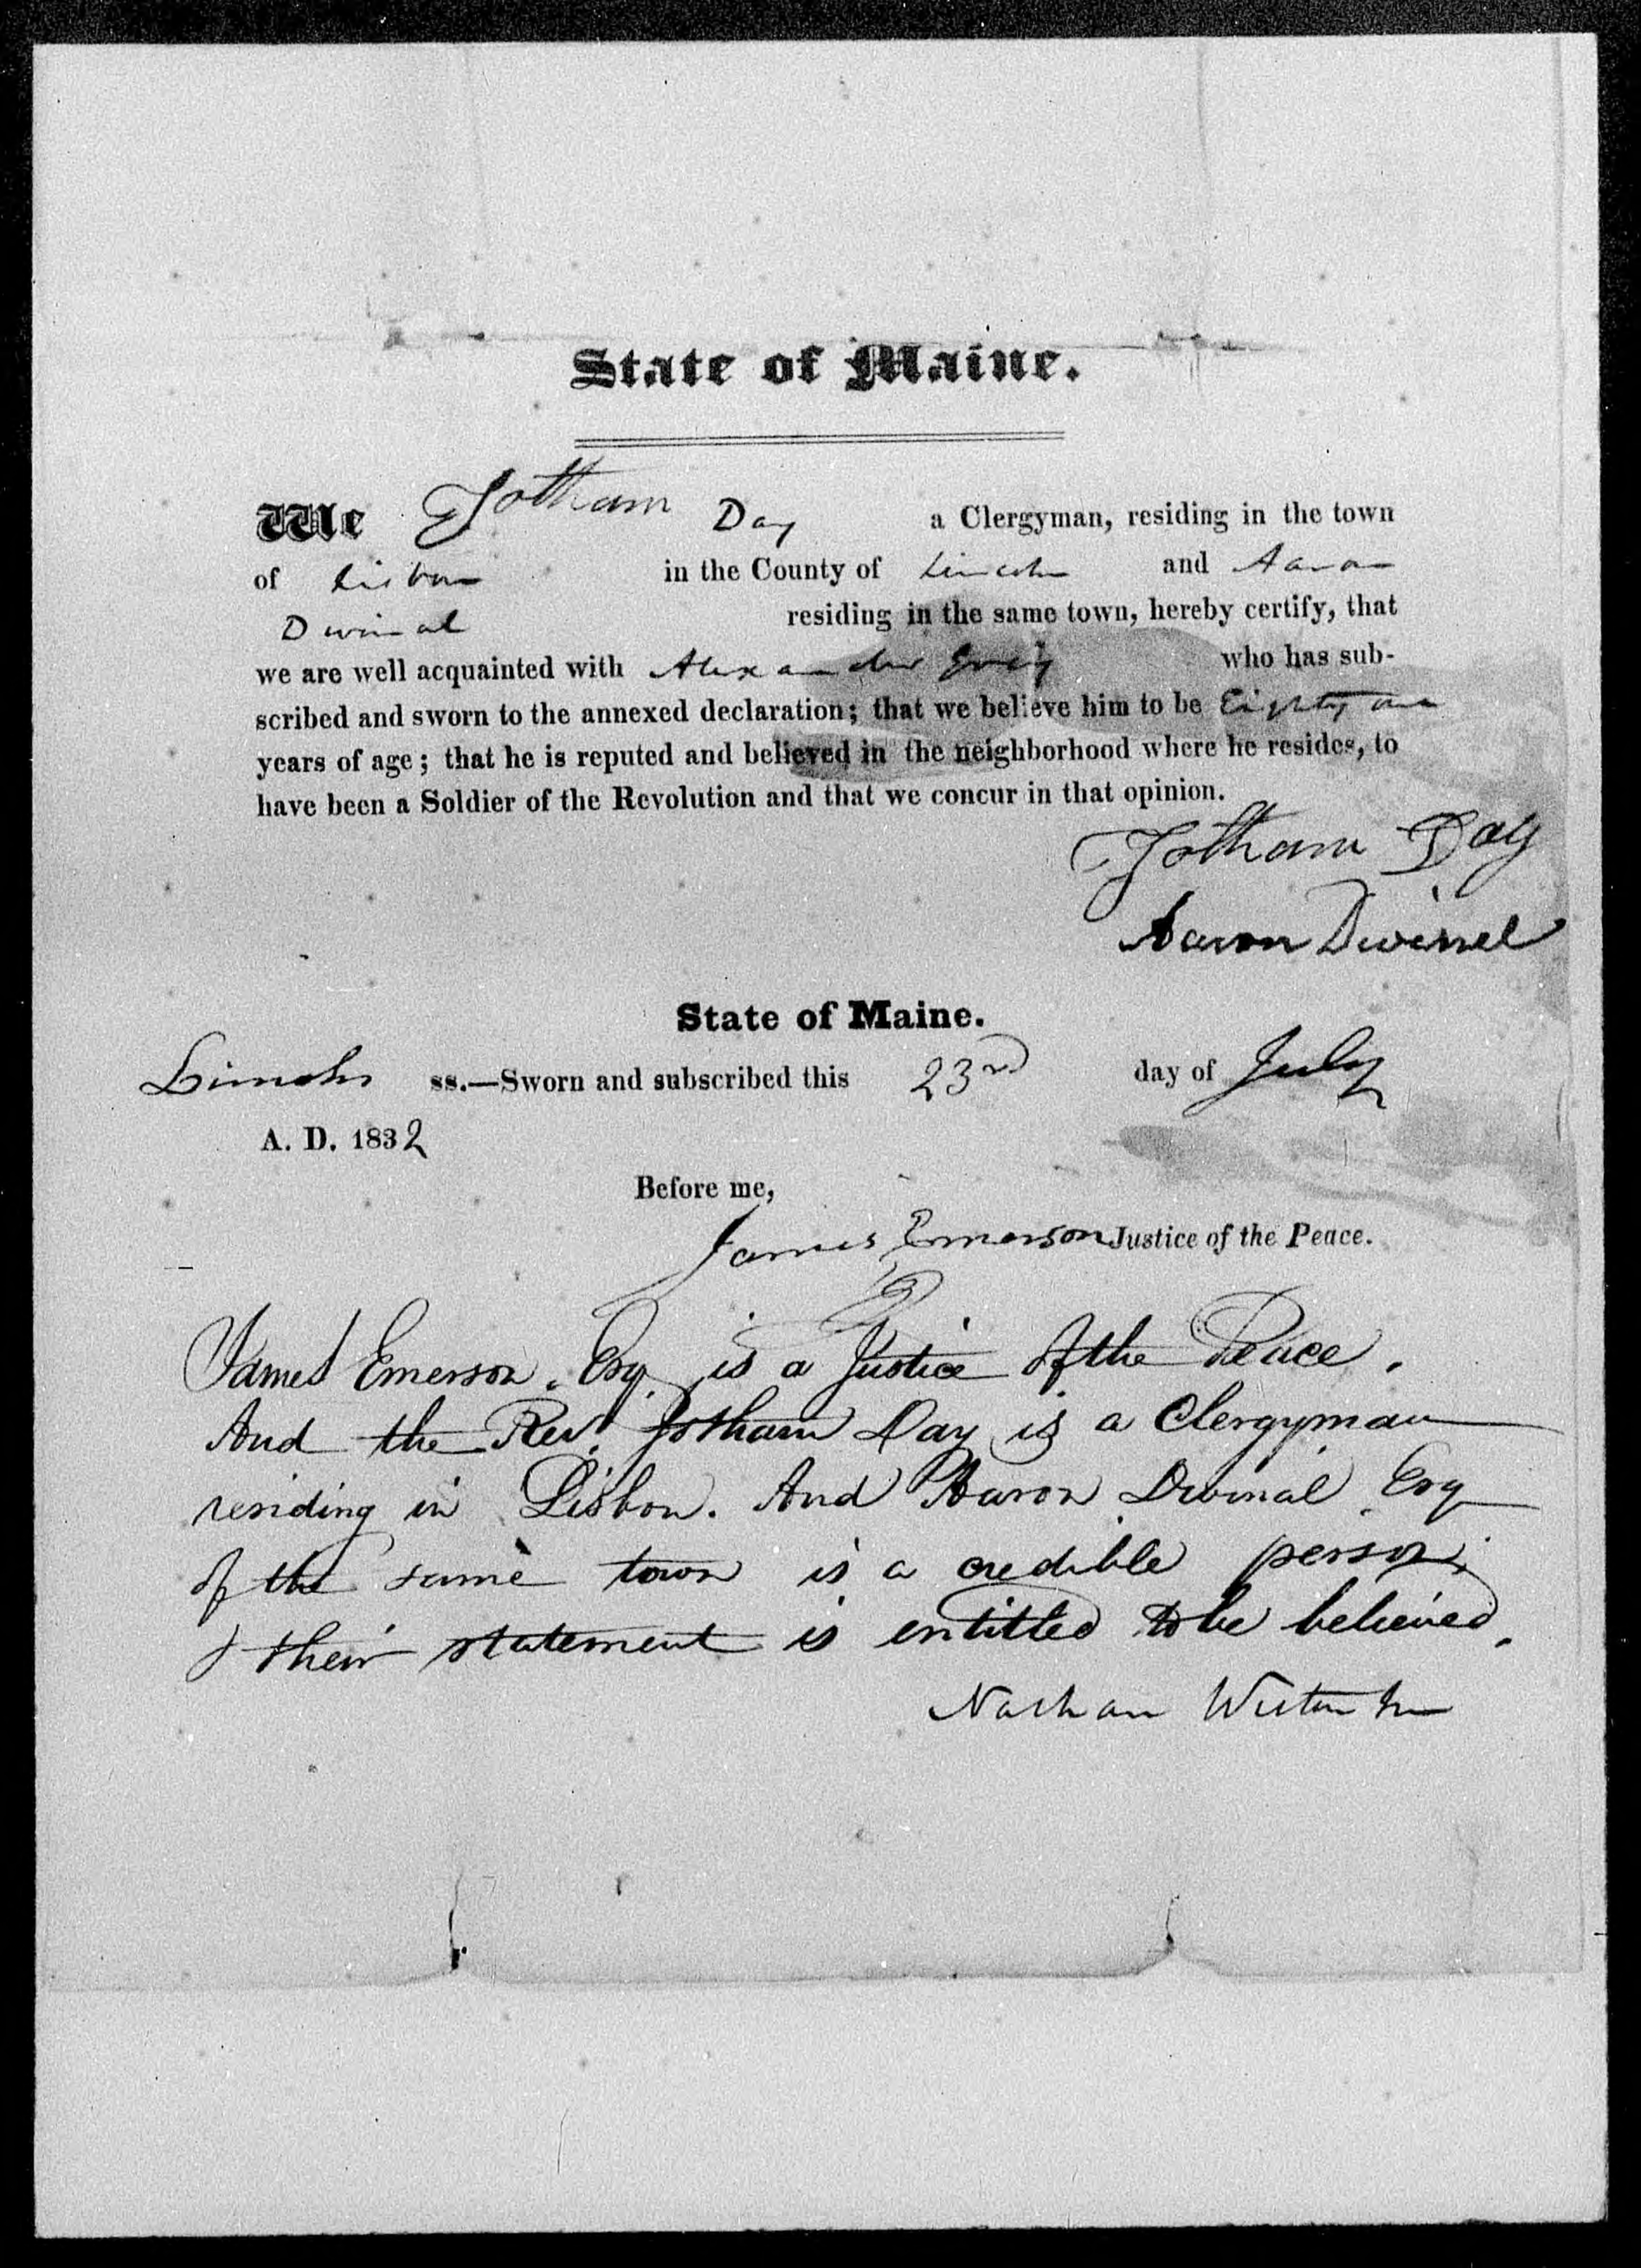State of Maine.
We Jotham Day a Clergyman, residing in the town of
Lisbon in the County of Lincoln and Aaron
Dwinal residing in the same town, herby certify, that  
we are well acquainted with Alexander Gray who has subscribed
and sworn to the annexed declaration; that we believe him to be eighty one 
years of age; that he is reputed and believed in the neighborhood where he resides, to
have been a Soldier of the Revolution and that we concur in that opinion.

Jotham Day
Aaron Dwinal

State of Maine.
Lincoln ss. -- Sworn and subscribed this 23rd day of July
A. D. 1832

Before me,
James Emerson Justice of the Peace 

James Emerson, Esq.,  is a Justice of the Peace, 
And the Rev Jotham Day is a Clergyman
residing in Lisbon And Aaron Dwinal Esq
of the same town is a credible person
& their statement is entitled to be believed.
Nathan Weston Jun'r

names: James Emerson, Alexander Gray, Nathan Weston, Aaron Dwinal, Jotham Day, Jotham Day, Aaron Dwinal, James Emerson, Jotham Day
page: 4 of 13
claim: survivor's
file: S. 18845, Alexander Gray, Mass.